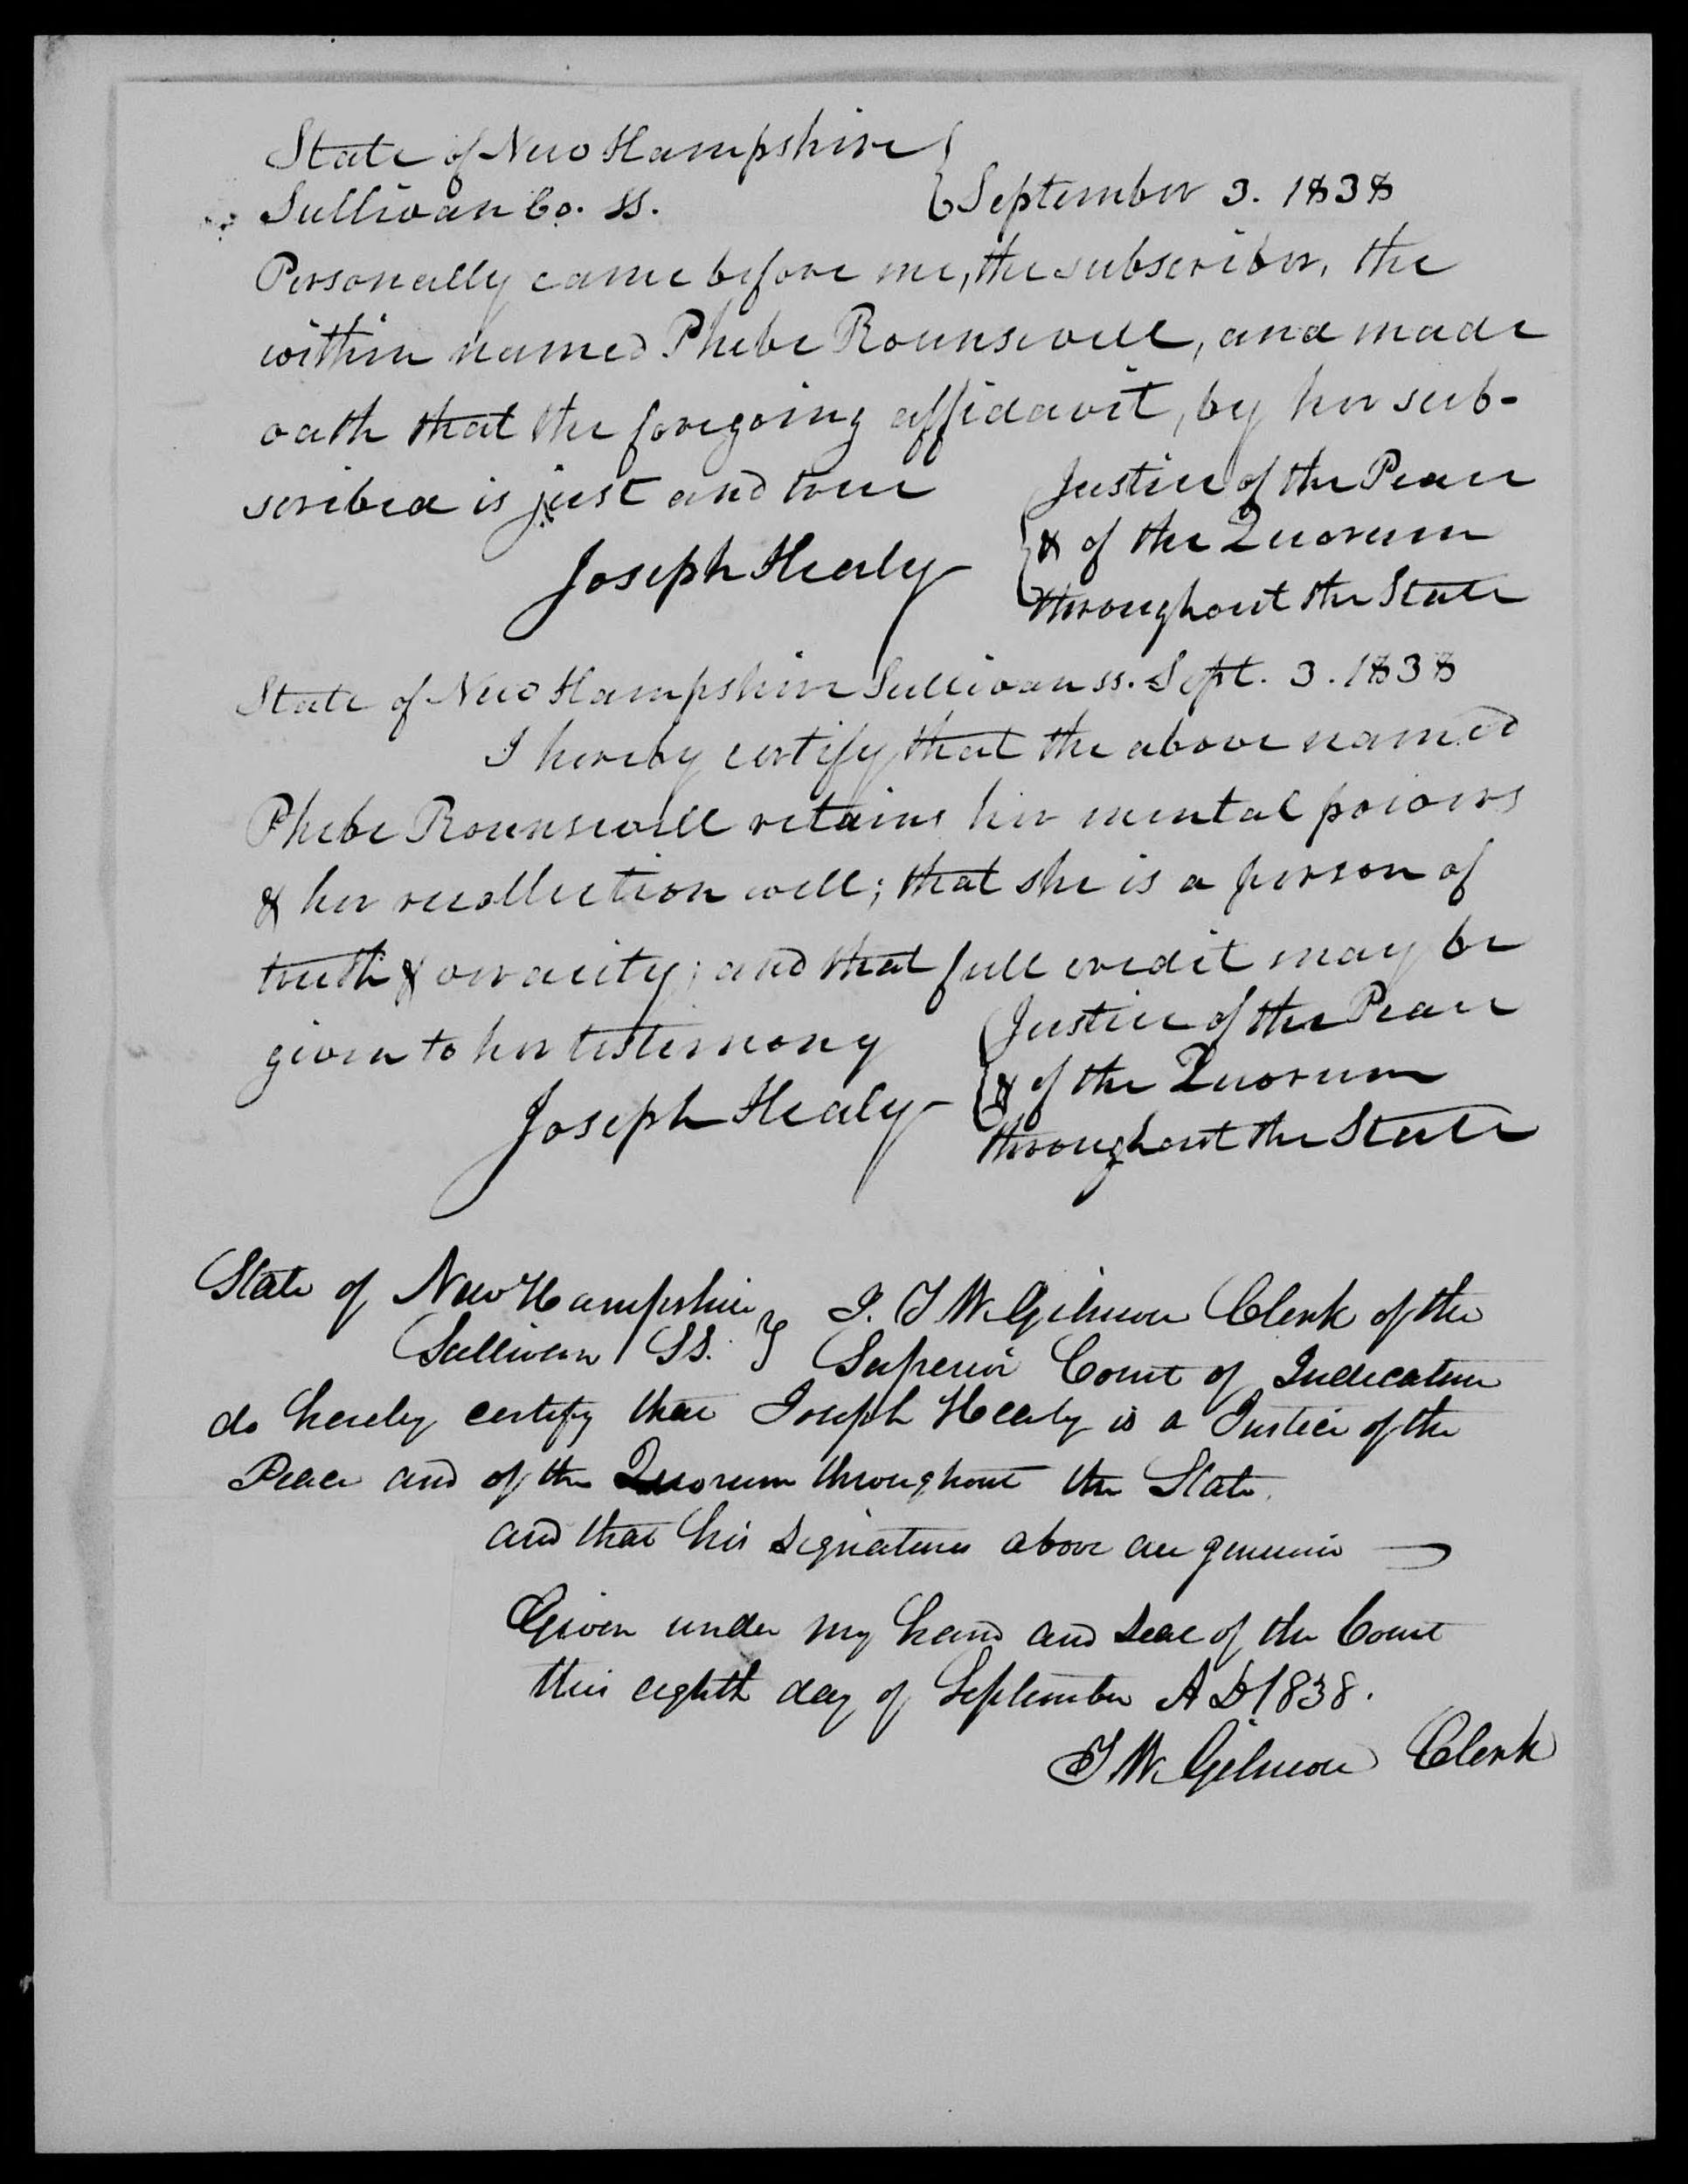State of New Hampshire
Sullivan Co. ss.
September 3, 1838

Personally came before me, the subscriber, the within named Phebe Rounswell, and make oath that the foregoing affidavit by her subscribed is just and true.
Joseph Healy
Justice of the Peace & of the Quorum throughout the State

State of New Hampshire
Sullivan ss.  Dept. 3, 1838
I hereby certify that the above named Phebe Rounswell retains her mental (illegible) & her recollection well; that she is a person of truth & veracity and that full credit may be given to her testimony.
Joseph Healy
Justice of the Peace & of the Quorum throughout the State

State of New Hampshire
Sullivan SS.
I, T. W. Gilman Clerk of the Superior Court of Judication do hereby certify that joseph Healy is a Justice of the Peace and of the Quorum throughout the State, and his signatures above are genuine
(seal)
Given under my hand and Seal of the court this eighth day of September A. D. 1838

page: 37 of 41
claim: widow's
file: W 26507, for Church Tabor, Massachusetts